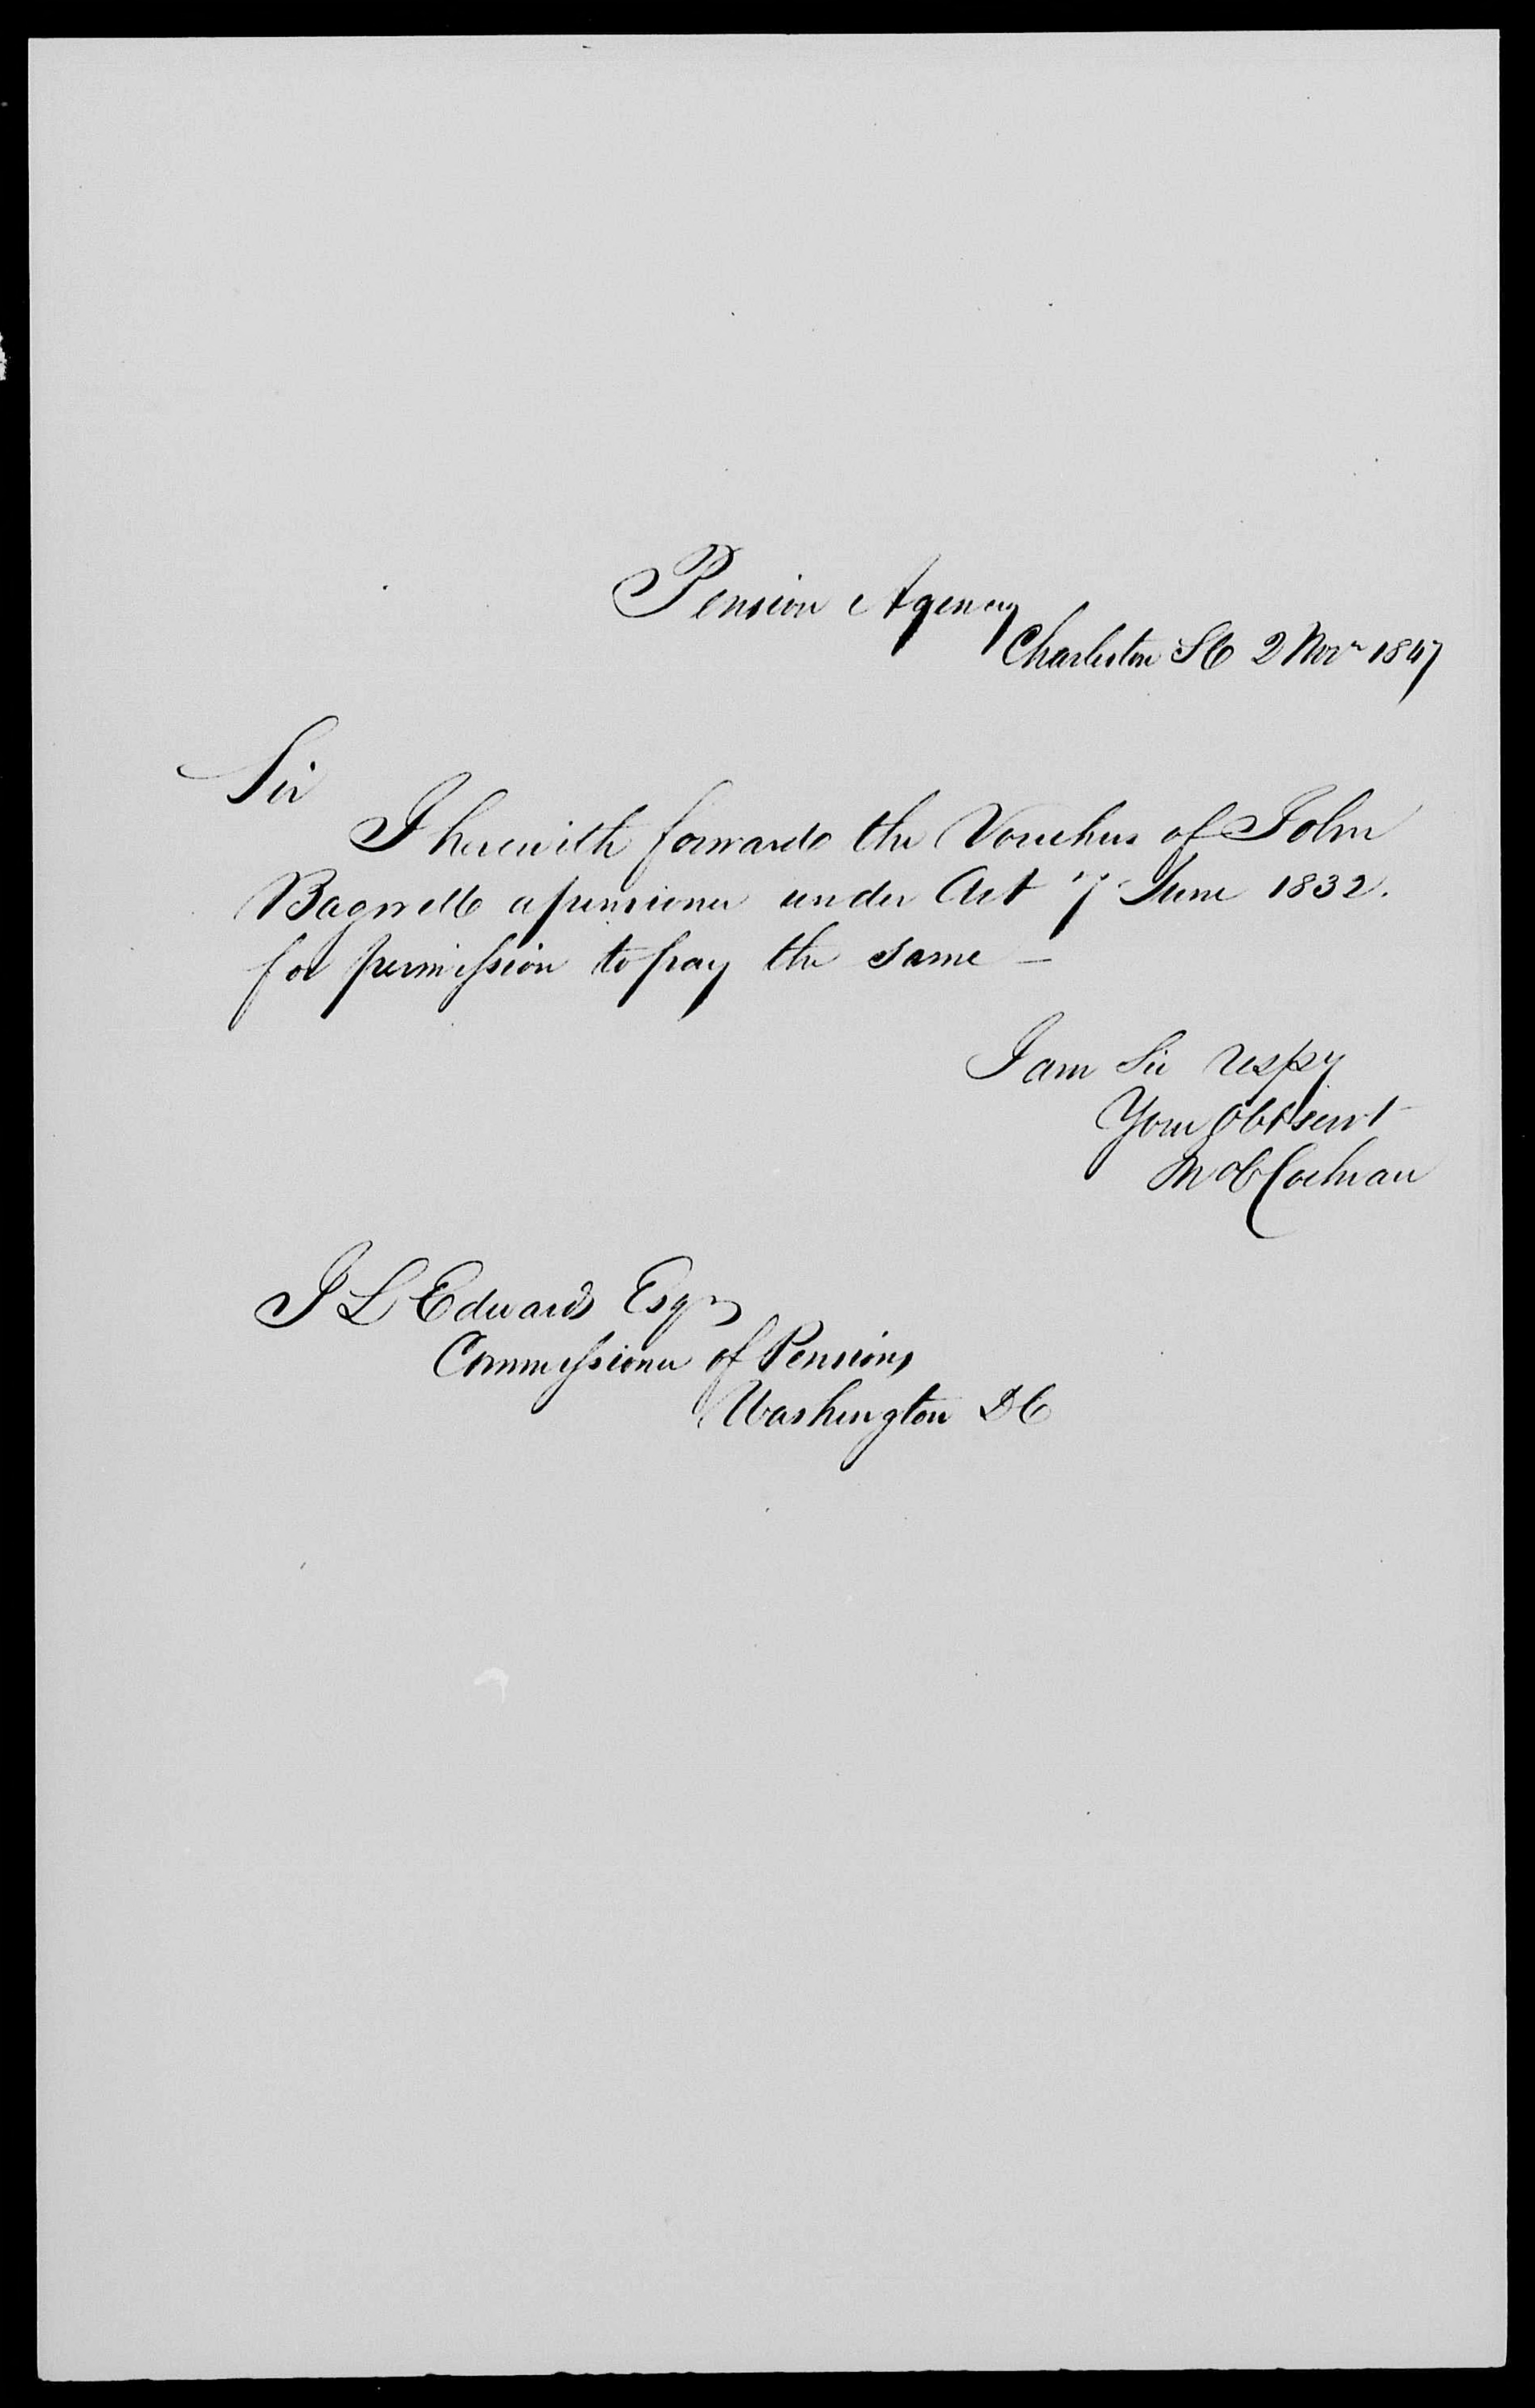Pension Agency 
Charleston, SC 2 Nov 1847
Sir
I herewith forward the vouchers of John
Bagwell a pensioner under act 7 June 1832.
for permission to pay the same -
I am [  ]
Your [  obt servant]
Jno B Cochran
J L Edwards Esqr
Commissioner of Pensions
Washington DC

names: J L Edwards, John Bagwell, Jno B Cochran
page: 30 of 36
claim: survivor's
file: S 6571, John Bagwell, N.C.